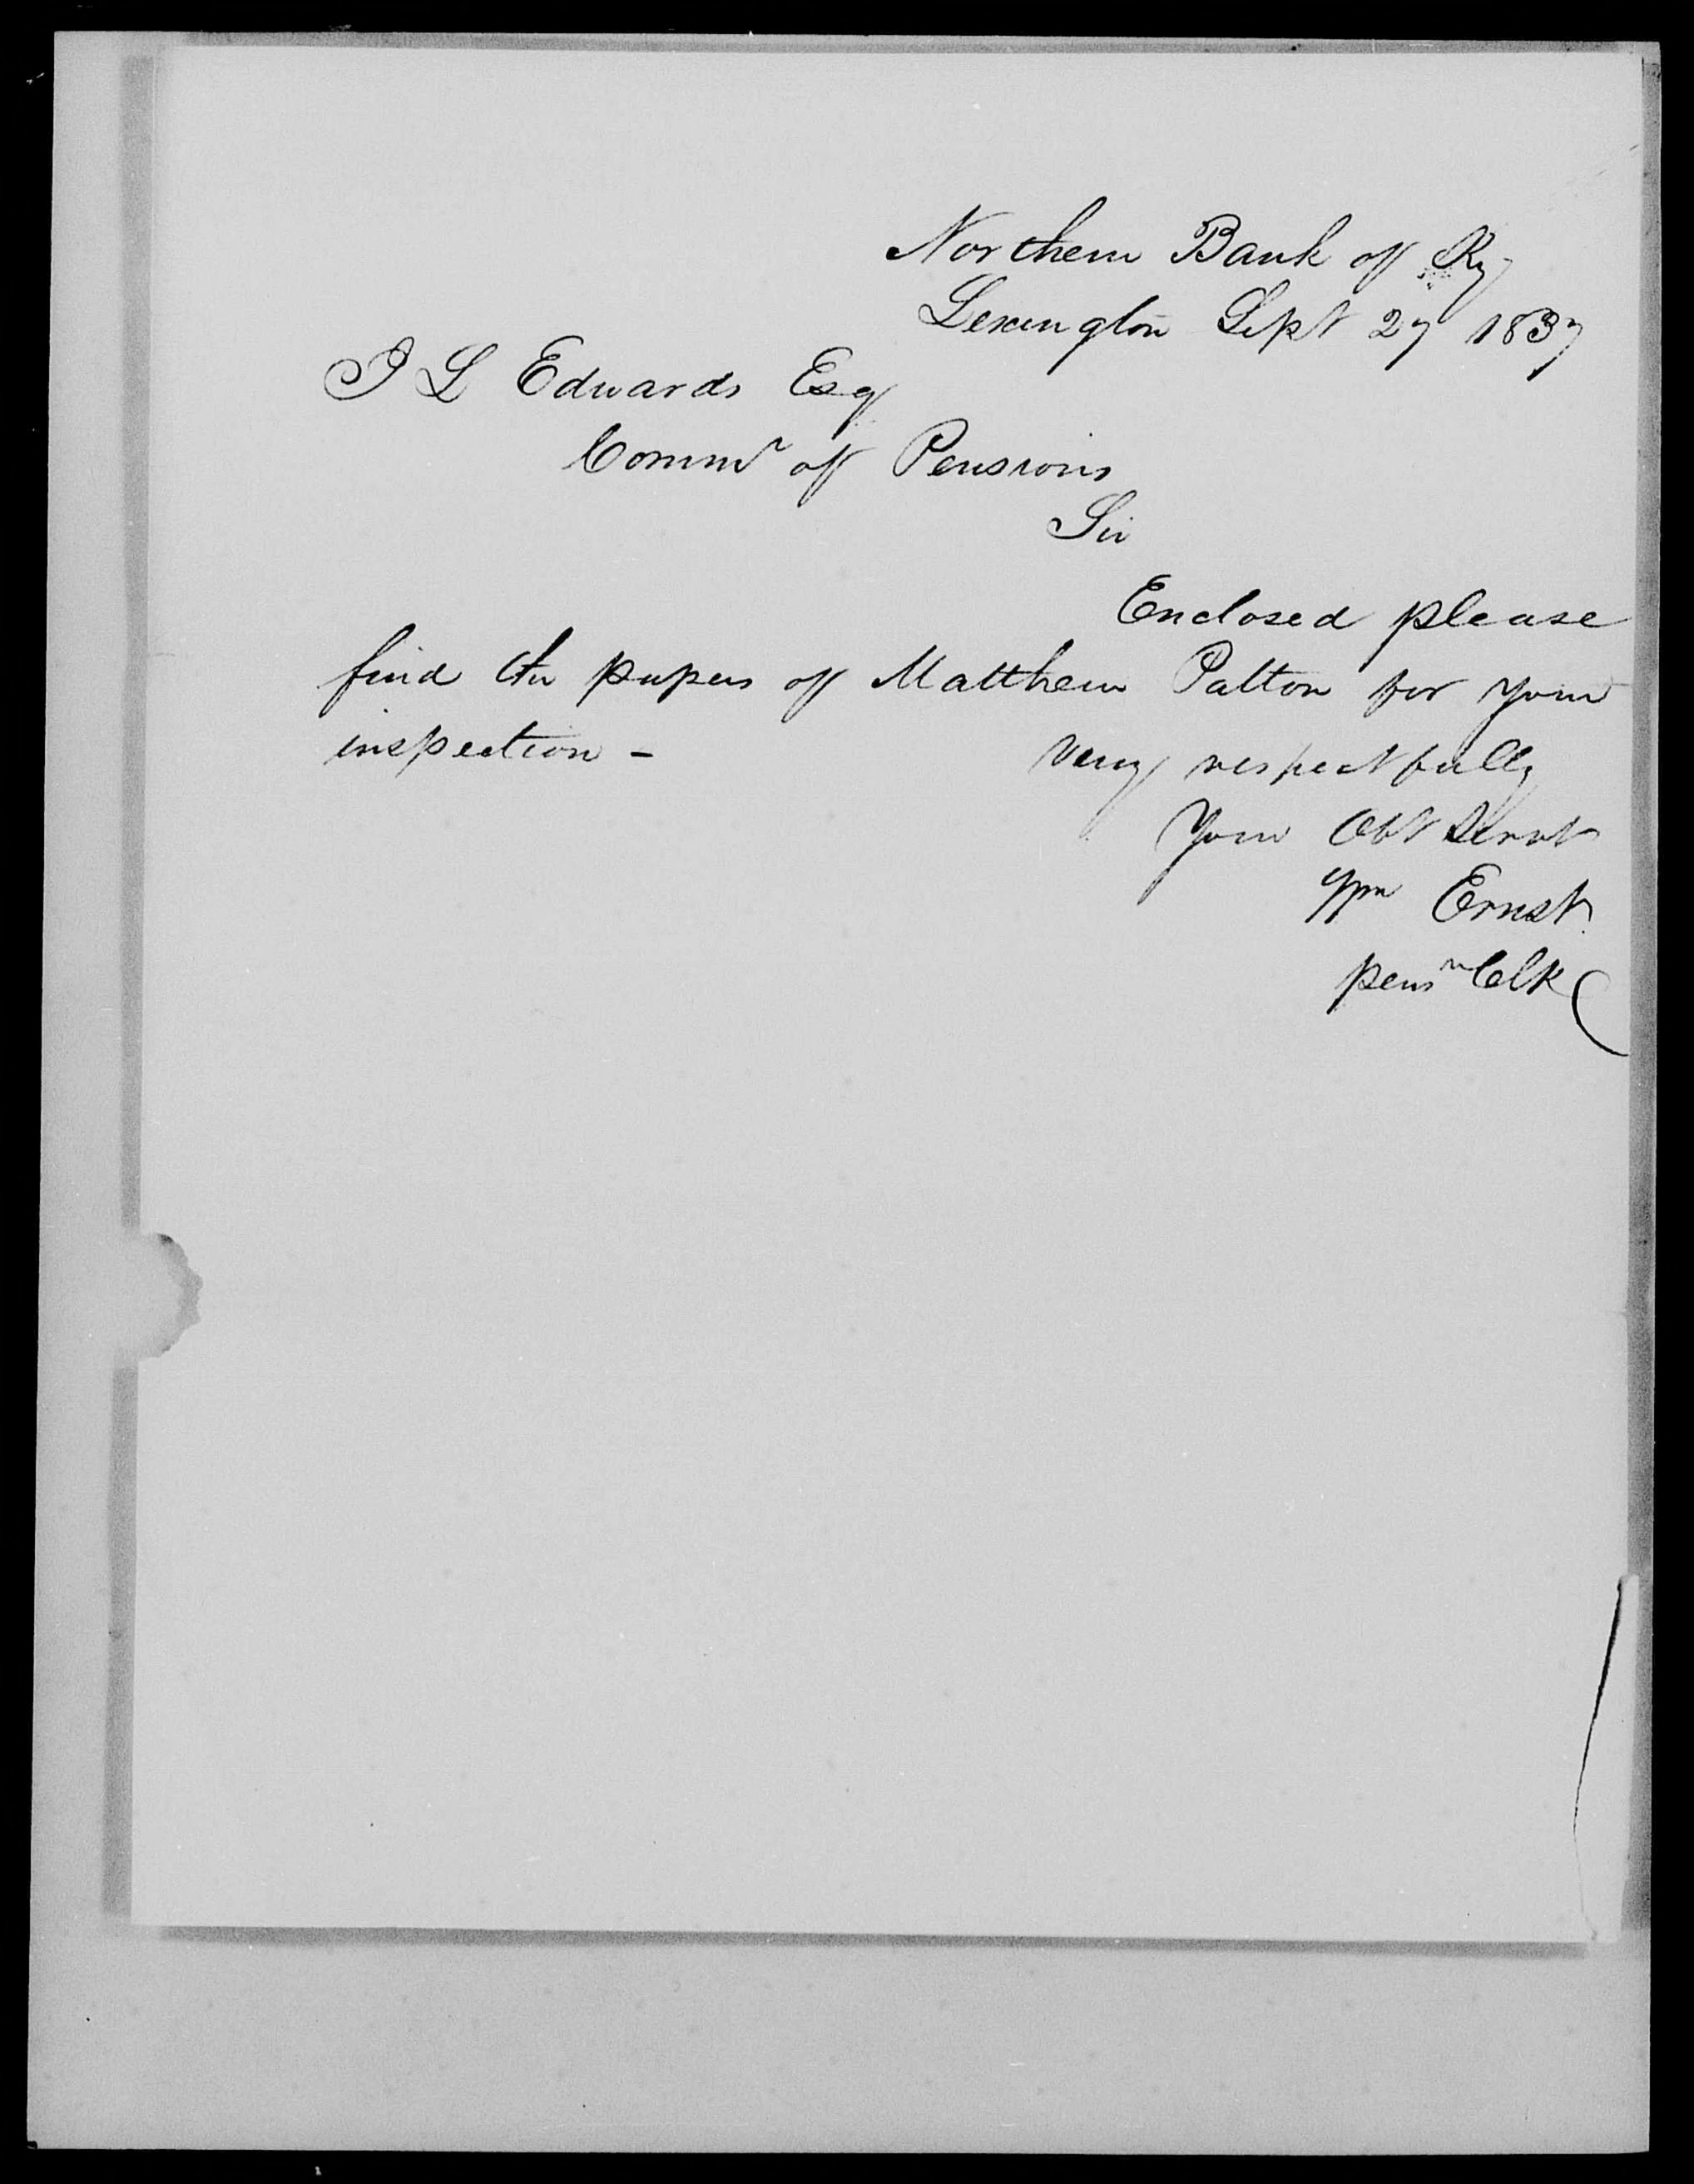Northern Bank of Ky
Lexington, Sept. 29, 1837

D. G. Edwards, Esq.
Commissioner of Pensions
Sir:

Enclosed please find the papers of Matthew Patton for your inspection—
Very respectfully,
Your obedient servant,
Wm. Earnest
pension clerk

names: J L Edwards; Wm Ersnt; Matthew Patton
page: 34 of 45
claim: survivor's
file: S. 31294, for Matthew Patton, Maryland